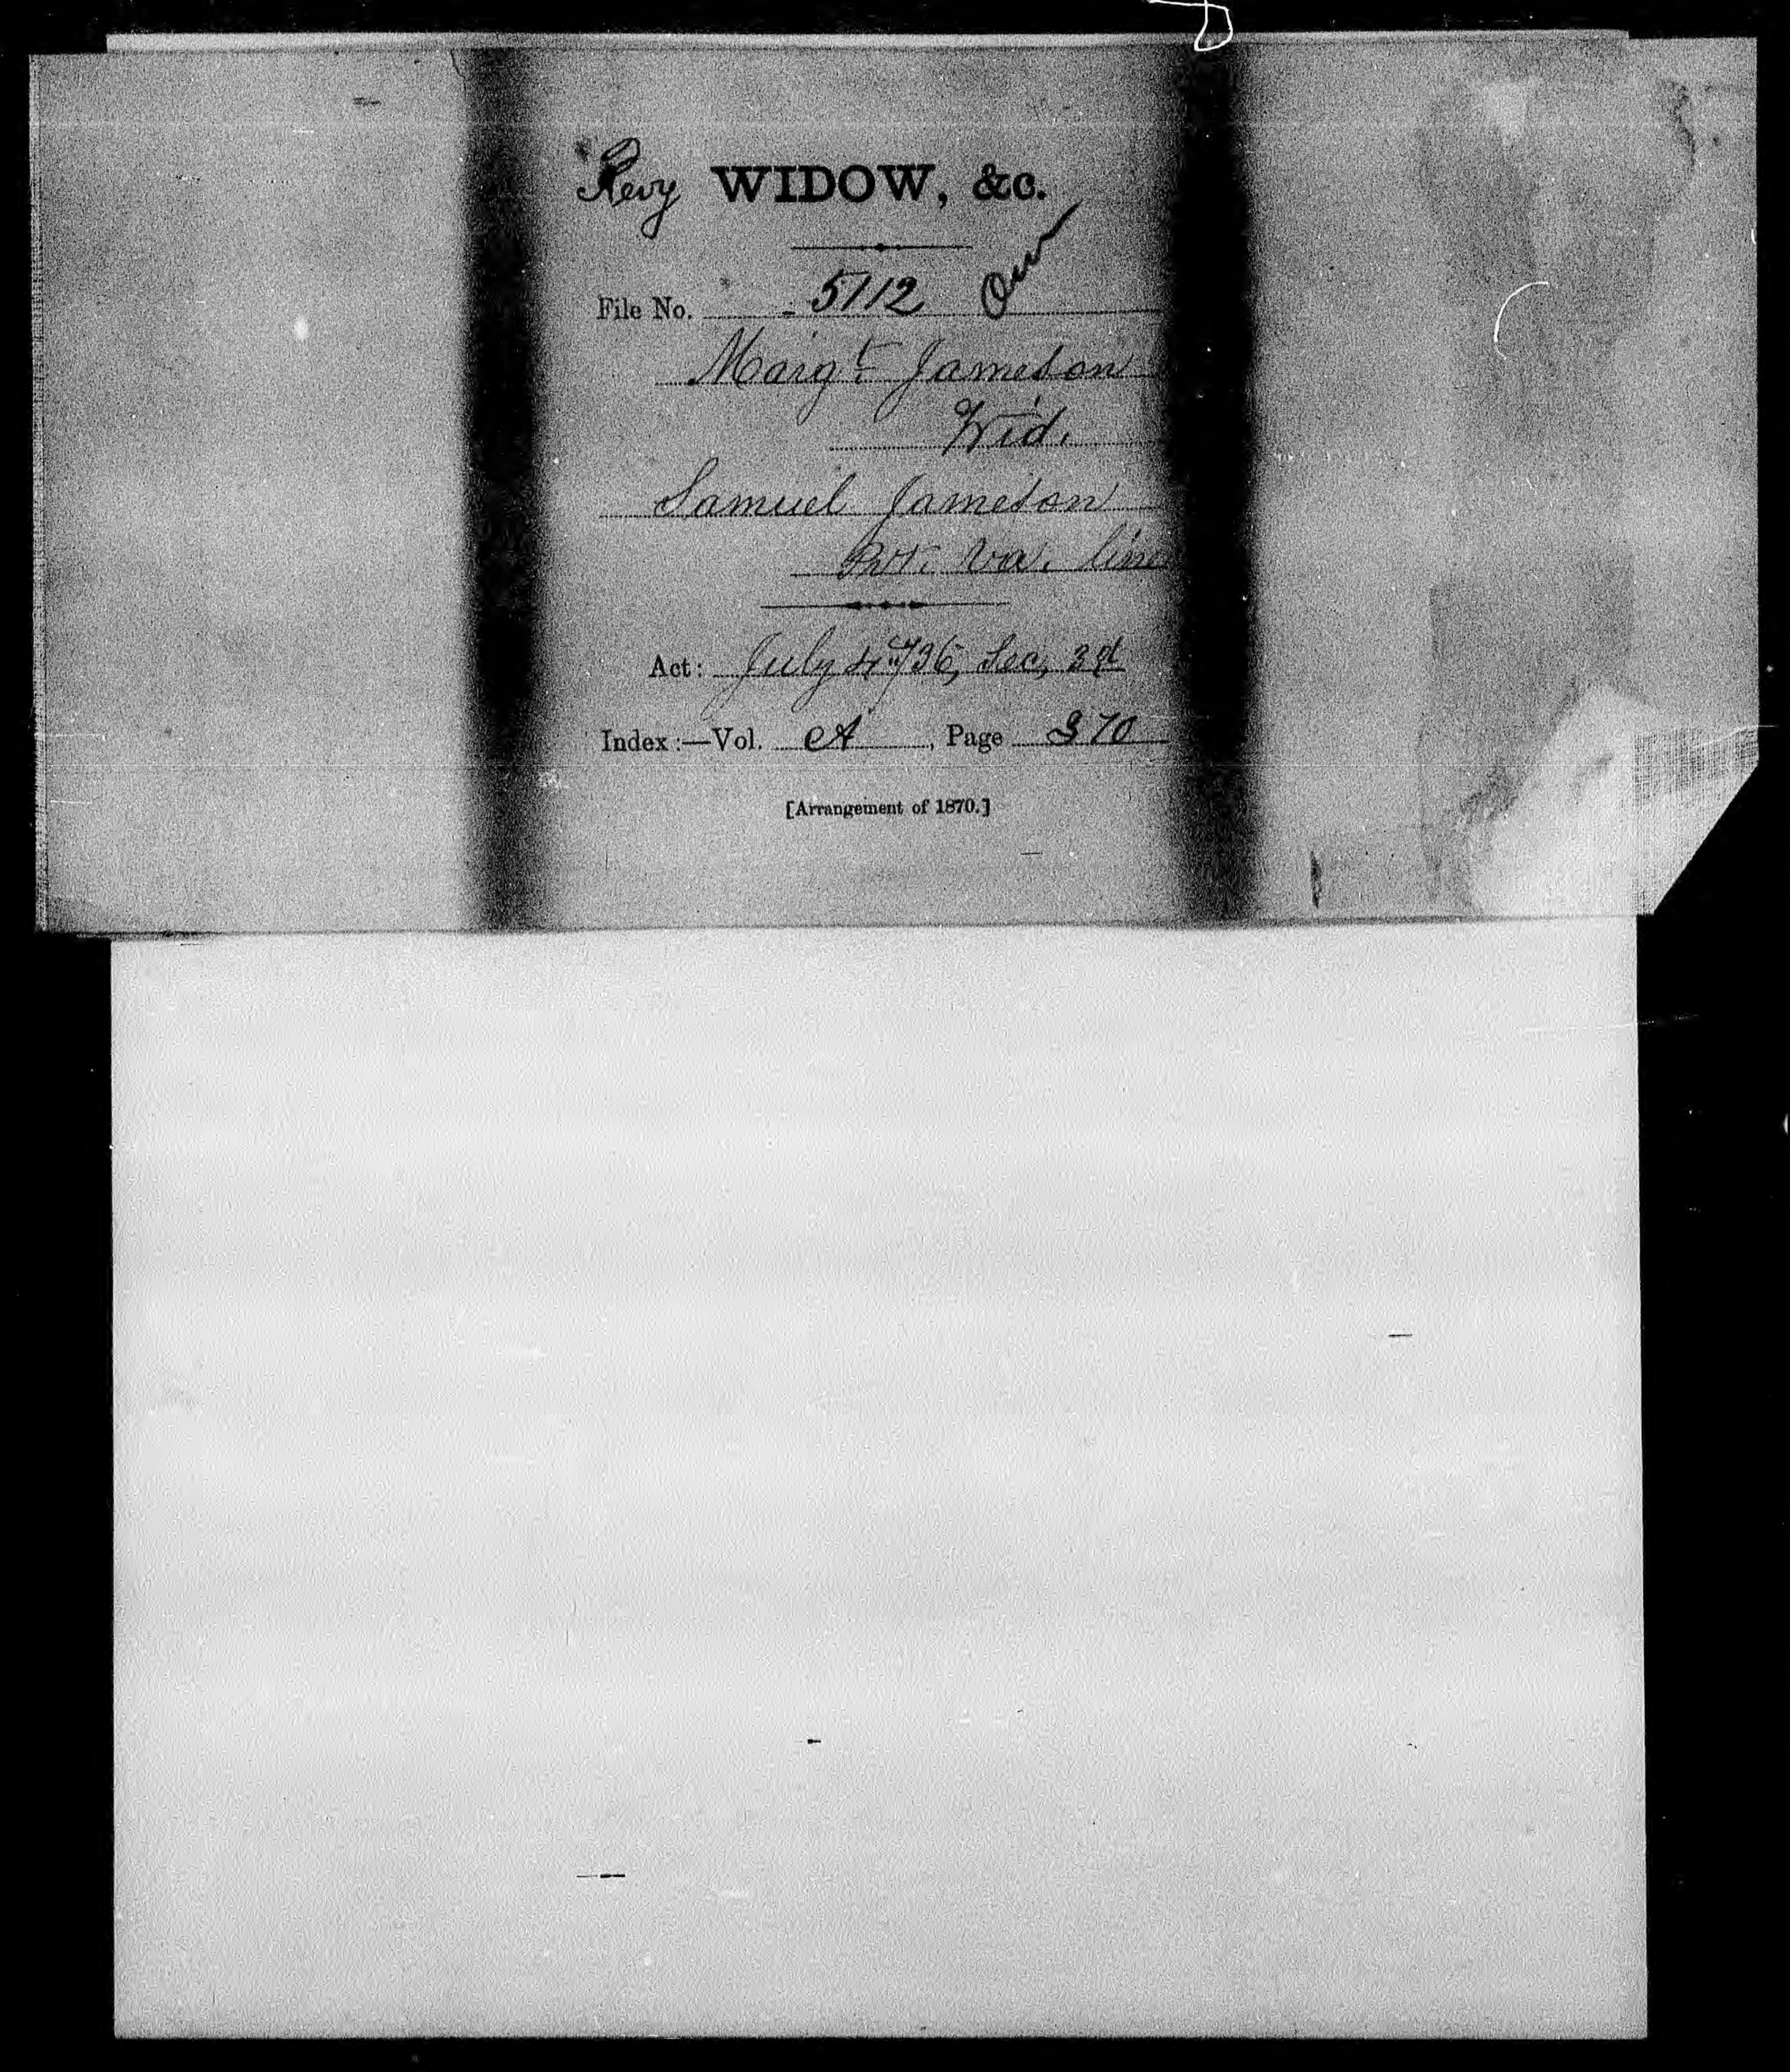Revy WIDOW, &c.

File No. 5112
Marg't Jameson
Wid.
Samuel Jameson
Pvt. Va. line

Act: July 4th, '36; Sec 3qt
Index:-Vol. A, Page 270
[Arrangement of 1870.]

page: 20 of 28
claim: widow's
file: W. 5112, for Samuel Jamieson, Virginia